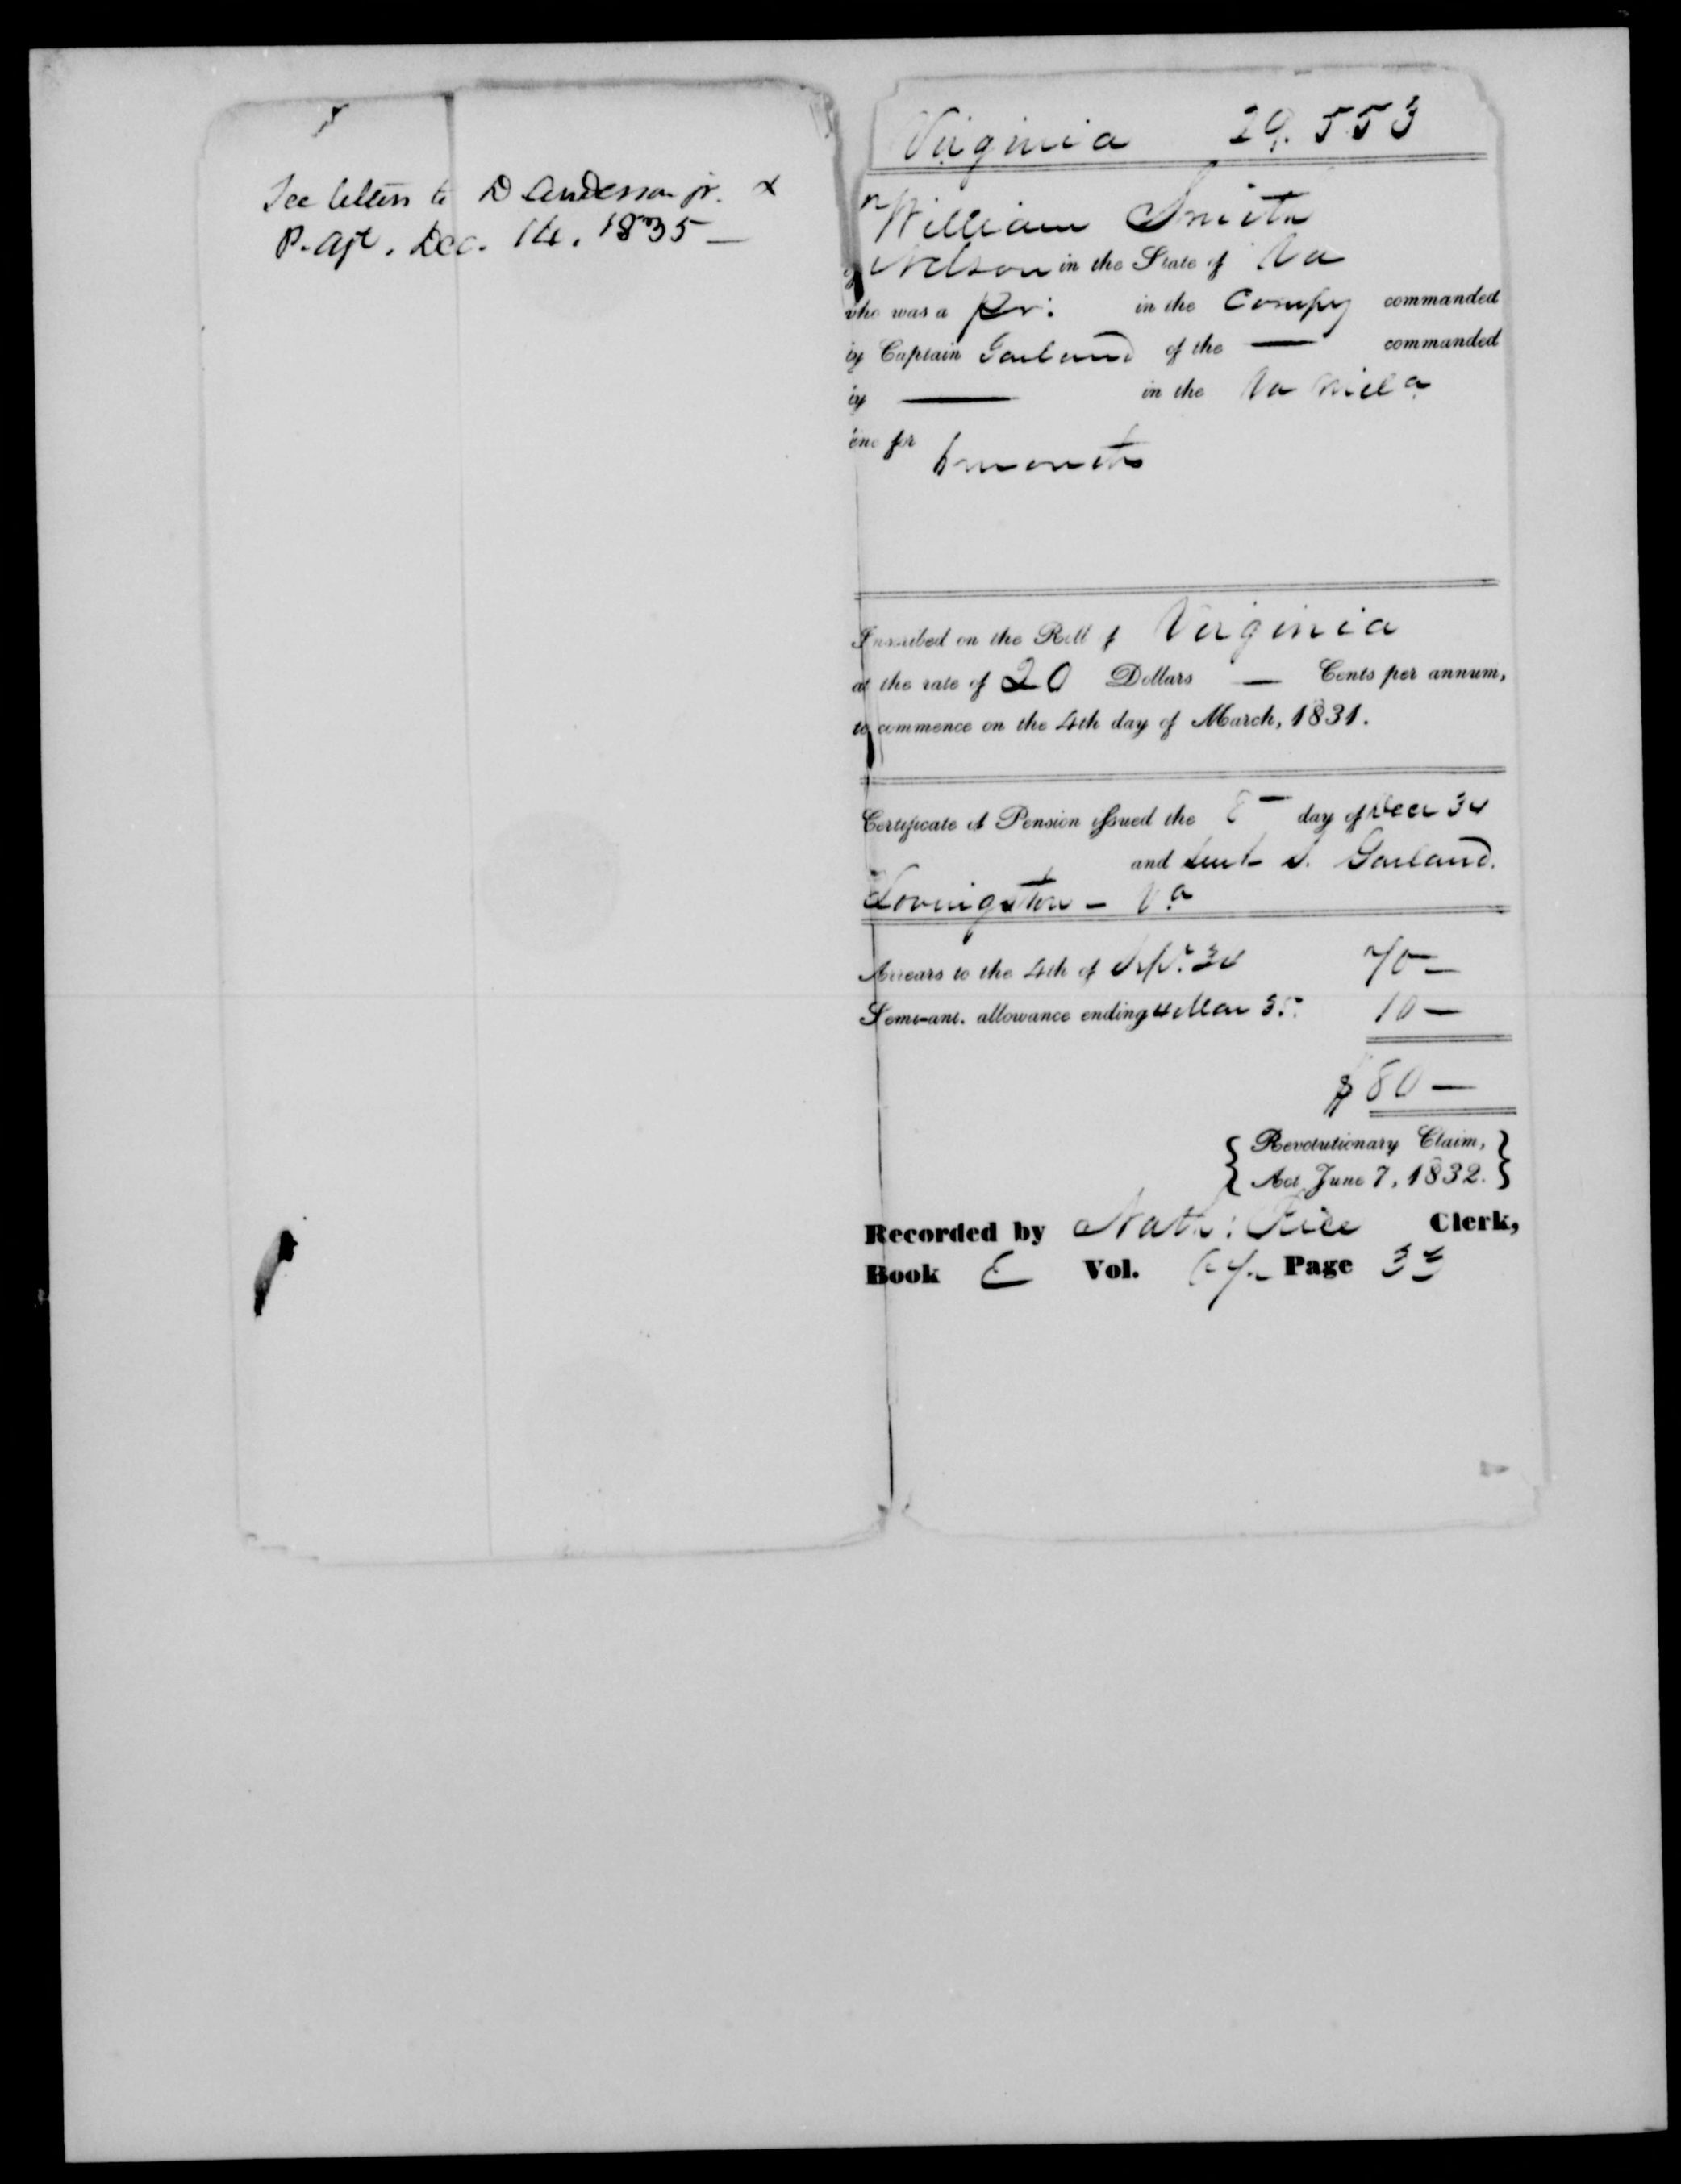See letters to D Anderson jr. & P. Agt. Dec. 14. 1835 -

Virginia 29.553
William Smith
of Nelson in the State of Va
who was a pr: in the Compy commanded by Captain Garland of the - commanded by - in the Va Mila. line for 6 months

Inscribed on the Roll of Virginia
at the rate of 20 Dollars - Cents per annum, to commence on the 4th day of March, 1831.

Certificate of Pension issued the 8- day of Decr 334 and sent S. Garland. 
Livingston - Va.

Arrears to the 4th of Sept. 34 70-
Semi-anl. allowance ending 4 Mar 35. 10-
$80 -
{Revolutionary Claim, Act June 7, 1832.}
Recorded by Nath: Rice Clerk,
Book E Vol. 67 - Page 33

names: D Anderson; William Smith; Nath Rice; S Garland; [BLANK] Garland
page: 10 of 22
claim: widow's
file: W. 4,806, for William Smith, Virginia